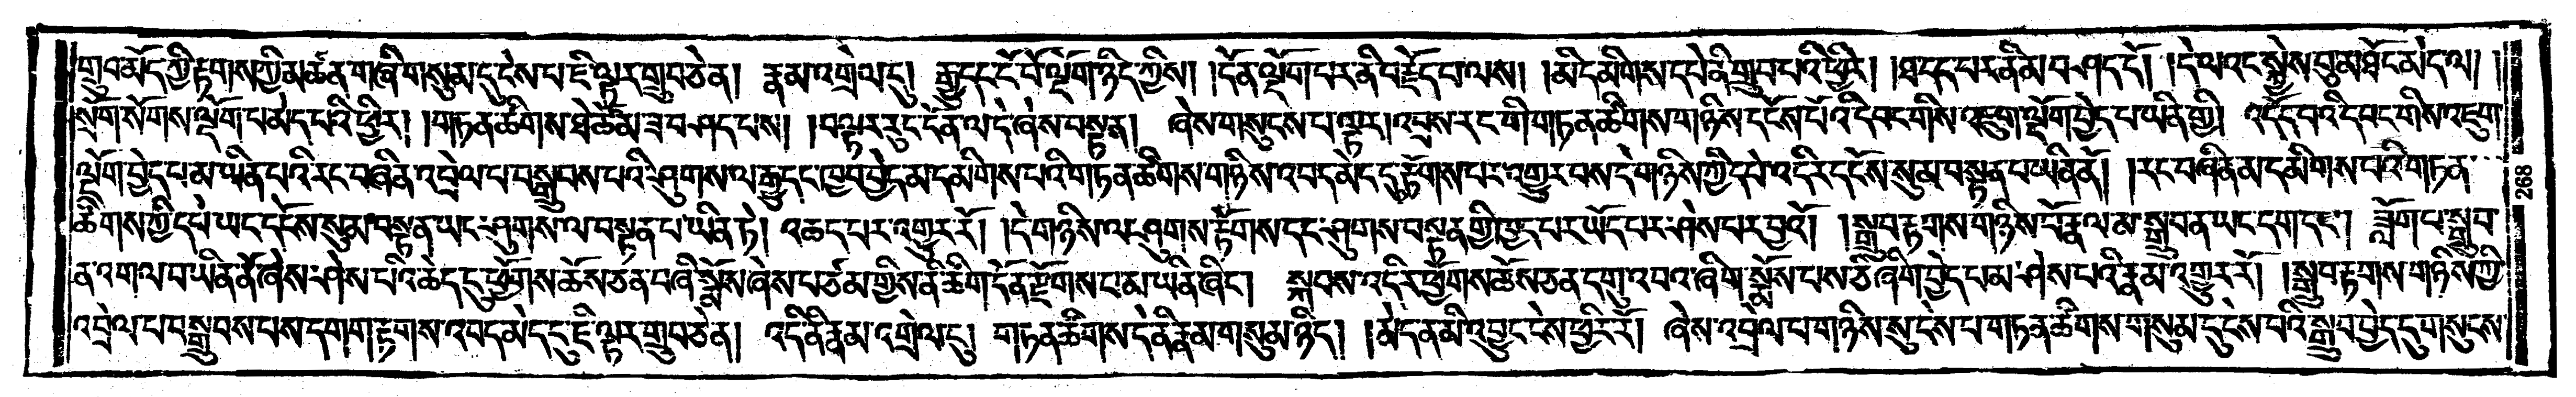གྲུབ་མོད་ཀྱི་རྟགས་ཀྱི་མཚན་གཞི་གསུམ་དུ་ངེས་པ་ཇི་ལྟར་གྲུབ་ཅེ་ན། རྣམ་འགྲེལ་དུ། རྒྱུ་དང་ངོ་བོ་ལྡོག་ཉིད་ཀྱིས། །དོན་ལྡོག་པར་ནི་བརྗོད་པ་ལས། །མི་དམིགས་དཔེ་ནི་གྲུབ་པའི་ཕྱིར། །ཐ་དད་པར་ནི་མ་བཤད་དོ། །དེ་ལའང་སྐྱེས་བུ་མཐོང་མེད་ལ། །
སྲོག་སོགས་ལྡོག་པ་མེད་པའི་ཕྱིར། །གཏན་ཚིགས་ཐེ་ཚོམ་ཟ་བཤད་པས། །བལྟར་རུང་དོན་ལ་དེ་ཞེས་བསྟན། ཞེས་གསུངས་པ་ལྟར། འབྲས་རང་གི་གཏན་ཚིགས་གཉིས་དངོས་པོའི་དབང་གིས་འཇུག་ལྡོག་བྱེད་པ་ཡིན་གྱི། འདོད་བའི་དབང་གིས་འཇུག་
ལྡོག་བྱེད་པ་མ་ཡིན་པའི་རང་བཞིན་འབྲེལ་པ་བསྒྲུབས་པའི་ཤུགས་ལ་རྒྱུ་དང་ཁྱབ་བྱེད་མ་དམིགས་པའི་གཏན་ཚིགས་གཉིས་འབད་མེད་དུ་རྟོགས་པར་འགྱུར་བས་དེ་གཉིས་ཀྱི་དཔེ་འདིར་དངོས་སུམ་བསྟན་པ་ཡིན་ནོ། །རང་བཞིན་མ་དམིགས་པའི་གཏན་
ཚིགས་ཀྱི་དཔེ་ཡང་དངོས་སུམ་བསྟན་ཡང་ཤུགས་ལ་བསྟན་པ་ཡིན་ཏེ། འཆད་པར་འགྱུར་རོ། །དེ་གཉིས་ལ་ཤུགས་རྟོགས་དང་ཤུགས་བསྟན་གྱི་ཁྱད་པར་ཡོད་པར་ཤེས་པར་བྱའོ། །སྒྲུབ་རྟགས་གཉིས་པོ་རྣལ་མ་སྒྲུབ་ན་ཡང་དག་དང་། ཟློག་པ་སྒྲུབ་
ན་འགལ་བ་ཡིན་ནོ་ཞེས་ཤེས་པའི་ཆེད་དུ་ཕྱོགས་ཆོས་ཅན་བཞི་སྨོས་ཞེས་པ་ཙམ་གྱིས་ནི་ཚིག་དོན་རྫོགས་པ་མ་ཡིན་ཞིང་། སྐབས་འདིར་ཕྱོགས་ཆོས་ཅན་དགུ་འབའ་ཞིག་སྨོས་པས་ཅི་ཞིག་བྱེད་པ་མ་ཤེས་པའི་རྣམ་འགྱུར་རོ། །སྒྲུབ་རྟགས་གཉིས་ཀྱི་
འབྲེལ་པ་བསྒྲུབས་པས་དགག་རྟགས་འབད་མེད་དུ་ཇི་ལྟར་གྲུབ་ཅེ་ན། འདི་ནི་རྣམ་འགྲེལ་དུ། གཏན་ཚིགས་དེ་ནི་རྣམ་གསུམ་ཉིད། །མེད་ན་མི་འབྱུང་ངེས་ཕྱིར་རོ། ཞེས་འབྲེལ་པ་གཉིས་སུ་ངེས་པ་གཏན་ཚིགས་གསུམ་དུ་ངེས་པའི་སྒྲུབ་བྱེད་དུ་གསུངས་